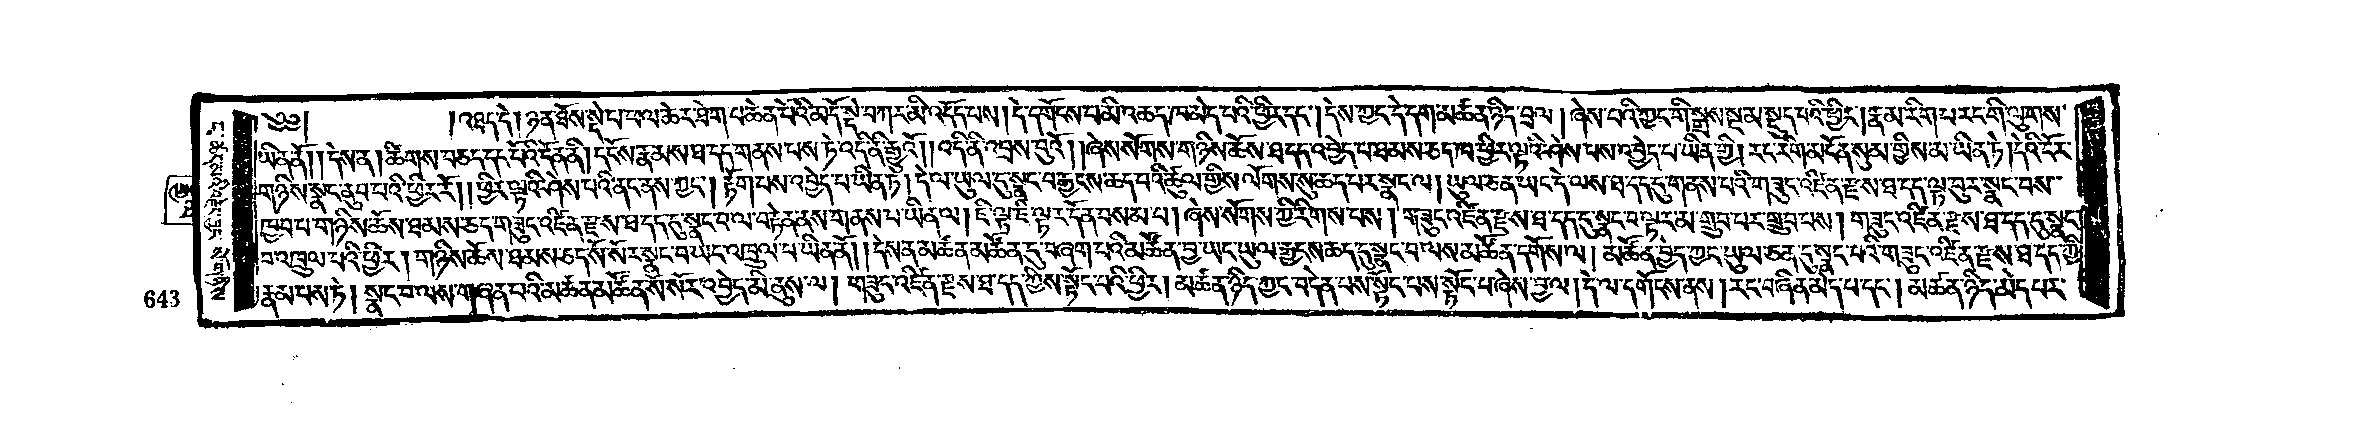༄༅། །འཐད་དེ། ཉན་ཐོས་སྡེ་པ་ཕལ་ཆེར་ཐེག་པ་ཆེན་པོའི་མདོ་སྡེ་བཀར་མི་འདོད་པས། དེ་དགོངས་པ་མི་འཆད་ཁ་མེད་པའི་ཕྱིར་དང་། དེས་ཀྱང་དེ་དག་མཚན་ཉིད་བྲལ། ཞེས་པའི་ཀྱང་གི་སྒྲས་སྔ་མ་སྡུད་པའི་ཕྱིར། རྣམ་རིག་པར་རང་གི་ལུགས་
ཡིན་ནོ། །དེས་ན། ཚིགས་བཅད་དང་པོའི་དོན་ནི། དངོས་རྣམས་ཐ་དད་གནས་པས་ཏེ་འདི་ནི་རྒྱུའོ། །འདི་ནི་འབྲས་བུའོ། །ཞེས་སོགས་གཉིས་ཆོས་ཐ་དད་འབྱེད་པ་ཐམས་ཅད་ཁ་ཕྱིར་ལྟའི་ཤེས་པས་འབྱེད་པ་ཡིན་གྱི། རང་རིག་མངོན་སུམ་གྱིས་མ་ཡིན་ཏེ། དེའི་ངོར་
གཉིས་སྣང་ནུབ་པའི་ཕྱིར་རོ། །ཕྱི་ལྟའི་ཤེས་པའི་ནང་ནས་ཀྱང་། རྟོག་པས་འབྱེད་པ་ཡིན་ཏེ། དེ་ལ་ཡུལ་དུ་སྣང་བ་རྒྱང་ཆད་པའི་ཚུལ་གྱིས་ལོགས་སུ་ཆད་པར་སྣང་ལ། ཡུལ་ཅན་ཡང་དེ་ལས་ཐ་དད་དུ་གནས་པའི་གཟུང་འཛིན་རྫས་ཐ་དད་ལྟ་བུར་སྣང་བས་
ཁྱབ་པ་གཉིས་ཆོས་ཐམས་ཅད་གཟུང་འཛིན་རྫས་ཐ་དད་དུ་སྣང་བ་ལ་བརྟེན་ནས་གནས་པ་ཡིན་ལ། ཇི་ལྟ་ཇི་ལྟར་དོན་བསམ་པ། ཞེས་སོགས་ཀྱི་རིགས་པས། གཟུང་འཛིན་རྫས་ཐ་དད་དུ་སྣང་བ་ལྟར་མ་གྲུབ་པར་གྲུབ་པས། གཟུང་འཛིན་རྫས་ཐ་དད་དུ་སྣང་
བ་འཁྲུལ་པའི་ཕྱིར། གཉིས་ཆོས་ཐམས་ཅད་སོ་སོར་སྣང་བ་ཡང་འཁྲུལ་པ་ཡིན་ནོ། །དེས་ན་མཚན་མཚོན་དུ་བཞག་པའི་མཚོན་བྱ་ཡང་ཡུལ་རྒྱང་ཆད་དུ་སྣང་བ་ལས་མཚོན་དགོས་ལ། མཚོན་བྱེད་ཀྱང་ཡུལ་ཅན་དུ་སྣང་བའི་གཟུང་འཛིན་རྫས་ཐ་དད་ཀྱི་
རྣམ་པས་ཏེ། སྣང་བ་ལས་གཞན་པའི་མཚན་མཚོན་སོ་སོར་འབྱེད་མི་ནུས་ལ། གཟུང་འཛིན་རྫས་ཐ་དད་ཀྱིས་སྟོང་པའི་ཕྱིར། མཚན་ཉིད་ཀྱང་བདེན་པས་སྟོང་པས་སྟོང་པ་ཞེས་བྱ་ལ། དེ་ལ་དགོངས་ནས། རང་བཞིན་མེད་པ་དང་། མཚན་ཉིད་མེད་པར་